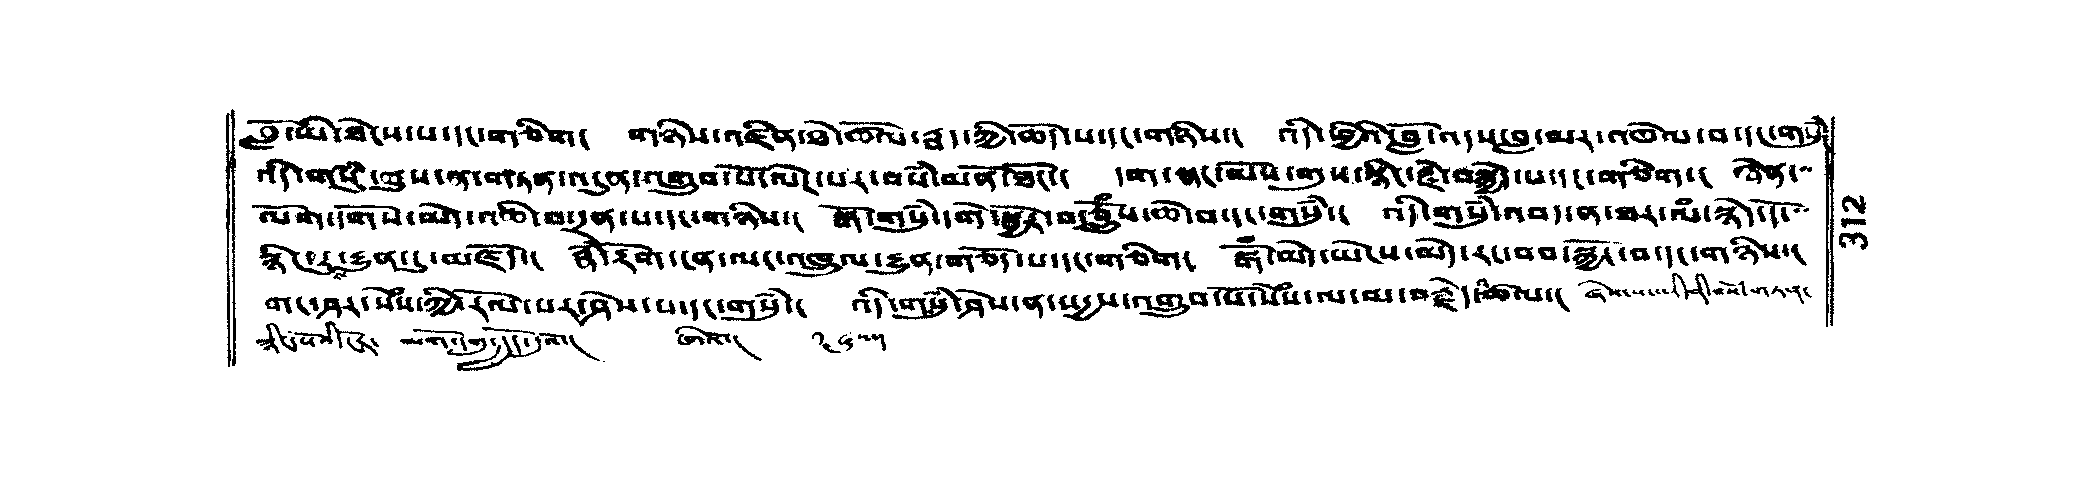བློ་ཡི་ཐོངས་པ་དང་གཅིག །གཉིས་འཛིན་ཐེ་ཚོམ་རྦད་ཀྱི་ཆོད་པ་དང་གཉིས། །འདི་ཕྱིའི་བློ་གཏད་བླ་མར་འཁེལ་བ་དང་གསུམ། །
འདི་གསུམ་ནུས་ན་གཏན་འདུན་འགྲུབ་པོ་ལེགས་པར་བསམ་མནོ་ཐོང་། །དག་སྣང་མོས་གུས་སྙིང་རྗེ་བསྐྱེད་པ་དང་གཅིག །ཞེན་
ལོག་དགོས་མེད་འཆི་བ་དྲན་པ་དང་གཉིས། །སྒོ་གསུམ་དགེ་སྦྱོར་བརྩོན་འགྲུས་ཆེ་བ་དང་གསུམ། །འདི་གསུམ་འབད་ན་ཐར་ལམ་བསྙེད་དོ་
སྙིང་རུས་རྒྱུན་དུ་མཛོད། །རྣམ་རྟོག་ངན་ལང་འཁྲུལ་རྒྱུན་གཅོད་པ་དང་གཅིག །སྒོམ་མེད་ཡེངས་མེད་རང་བབ་སྐྱོང་བ་དང་གཉིས། །
གང་ཤར་སེམས་ཀྱི་རོལ་པར་ཤེས་པ་དང་གསུམ། །འདི་གསུམ་ཤེས་ན་སངས་རྒྱས་འགྲུབ་པོ་སེམས་ལ་མ་བརྗེད་འཚལ།། ཞེས་པ་འདི་ནི་བསམ་གཏན་
སྙིང་པོའི་ངོར། འགོ་དགུ་དུར་ཁྲོད་དུའོ།། དགེའོ།།